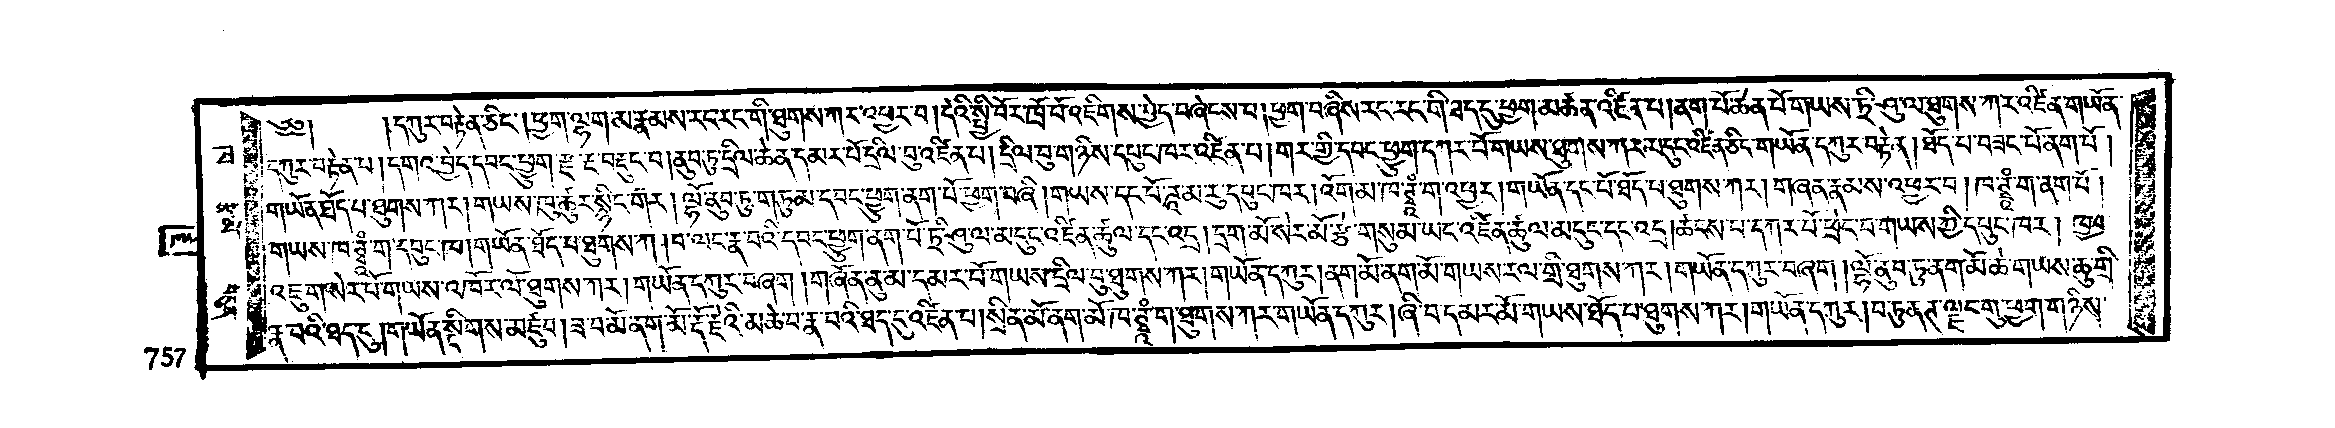༄༅། །དཀུར་བརྟེན་ཅིང་། ཕྱག་ལྷག་མ་རྣམས་རང་རང་གི་ཐུགས་ཀར་འཕྱར་བ། དེའི་སྤྱི་བོར་ཁྲོ་བོ་འཇིགས་བྱེད་བཞེངས་པ། ཕྱག་བཞིས་རང་རང་གི་ཐད་དུ་ཕྱག་མཚན་འཛིན་པ། ནག་པོ་ཆེན་པོ་གཡས་ཏྲི་ཤུ་ལ་ཐུགས་ཀར་འཛིན་གཡོན་
དཀུར་བརྟེན་པ། དགའ་བྱེད་དབང་ཕྱུག་རྫ་རྔ་བརྡུང་བ། ནུབ་ཏུ་དྲིལ་ཆེན་དམར་པོ་དྲིལ་བུ་འཛིན་པ། དྲིལ་བུ་གཉིས་དཔུང་ཁར་འཛིན་པ། གར་གྱི་དབང་ཕྱུག་དཀར་པོ་གཡས་ཐུགས་ཀར་མདུང་འཛིན་ཅིང་གཡོན་དཀུར་བརྟེན། ཐོད་པ་བཟང་པོ་ནག་པོ།
གཡོན་ཐོད་པ་ཐུགས་ཀར། གཡས་ཁུ་ཚུར་སྙིང་གར། ལྷོ་ནུབ་ཏུ་གཏུམ་དབང་ཕྱུག་ནག་པོ་ཕྱག་བཞི། གཡས་དང་པོ་ཌཱ་མ་རུ་དཔུང་ཁར། འོག་མ་ཁ་ཊྭཱཾ་ག་འཕྱར། གཡོན་དང་པོ་ཐོད་པ་ཐུགས་ཀར། གཞན་རྣམས་འཕྱར་བ། ཁ་ཊྭཱཾ་ག་ནག་པོ།
གཡས་ཁ་ཊྭཱཾ་ག་དཔུང་ཁ། གཡོན་ཐོད་པ་ཐུགས་ཀ། བ་ལང་རྣ་བའི་དབང་ཕྱུག་ནག་པོ་ཏྲི་ཤུ་ལ་མདུང་འཛིན་ཚུལ་དང་འདྲ། དྲག་མོ་སེར་མོ་རྩེ་གསུམ་ཡང་འཛིན་ཚུལ་མདུང་དང་འདྲ། ཚངས་པ་དཀར་པོ་ཕྲེང་བ་གཡས་ཀྱི་དཔུང་ཁར། ཁྱབ་
འཇུག་སེར་པོ་གཡས་འཁོར་ལོ་ཐུགས་ཀར། གཡོན་དཀུར་བཞག །གཞོན་ནུ་མ་དམར་པོ་གཡས་དྲིལ་བུ་ཐུགས་ཀར། གཡོན་དཀུར། ནག་མོ་ནག་མོ་གཡས་རལ་གྲི་ཐུགས་ཀར། གཡོན་དཀུར་བཞག །ལྷོ་ནུབ་ཏུ་ནག་མོ་ཆེ་གཡས་ཆུ་གྲི་
རྣ་བའི་ཐད་དུ། གཡོན་སྡིགས་མཛུབ། ཟ་བ་མོ་ནག་མོ་རྡོ་རྗེའི་མཆེ་བ་རྣ་བའི་ཐད་དུ་འཛིན་པ། སྲིན་མོ་ནག་མོ་ཁ་ཊྭཱཾ་ག་ཐུགས་ཀར་གཡོན་དཀུར། ཞི་བ་དམར་མོ་གཡས་ཐོད་པ་ཐུགས་ཀར། གཡོན་དཀུར། བེ་ཏུན་ཊ་ལྗང་གུ་ཕྱག་གཉིས་